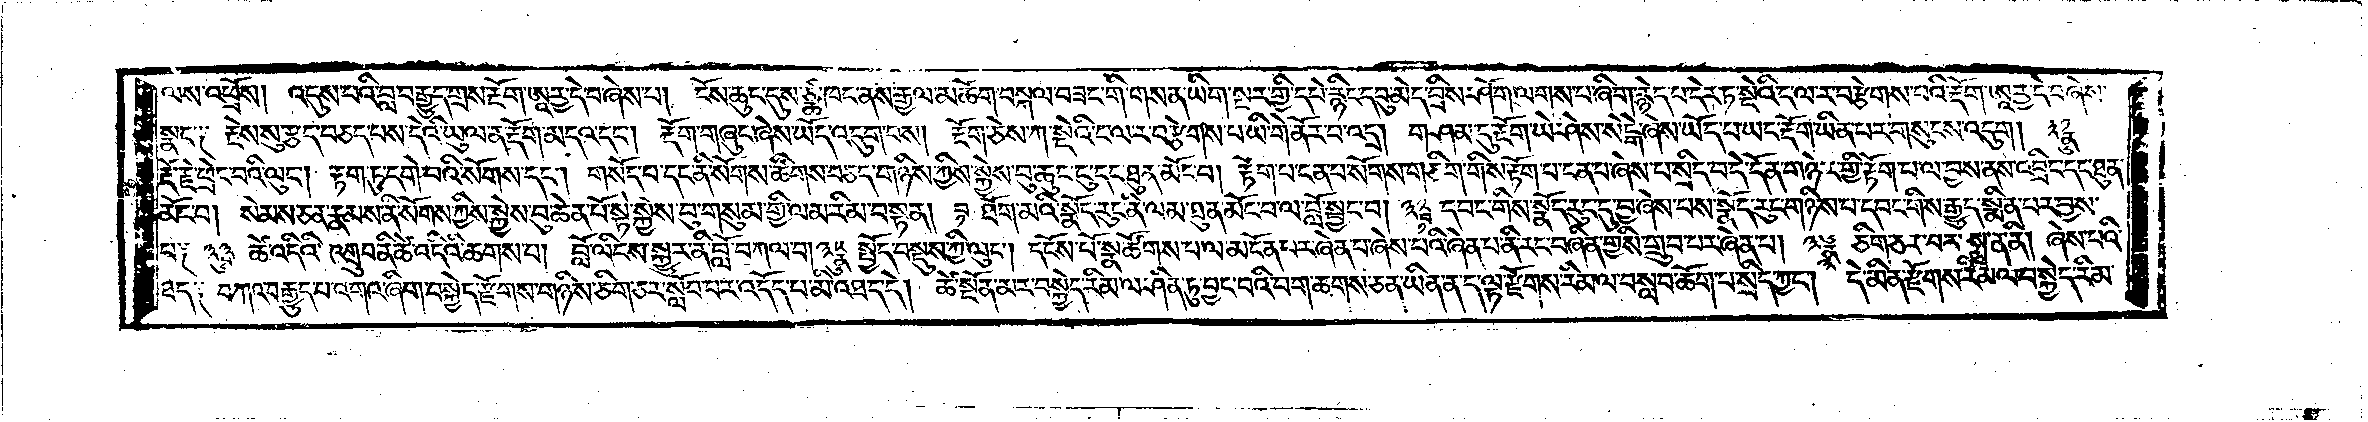ལས་འཕྲོས། འདུས་པའི་བླ་བརྒྱུད་གྲས་རྔོག་ཨཱརྱ་དེ་བཞེས་པ། ངོས་ཆུང་དུས་ཙྪ་ཁང་ནས་རྒྱལ་མཆོག་བསྐལ་བཟང་གི་གསན་ཡིག་སྔར་གྱི་དཔེ་རྙིང་དབུ་མེད་བྲིས་ཤོག་ལགས་པ་ཞིག་རྙེད་པ་དེར་ཏ་སྡེའི་ད་ལ་ར་བརྩེགས་པའི་རྡོག་ཨཱརྱ་དེ་བ་ཞེས་
སྣང༑ རྔེས་སུ་རྩད་བཅད་པས་དེའི་ཡུལ་ན་རྡོག་མདའ་དང་། རྡོག་གཞུང་ཞེས་ཡོད་འདུག་པས། རྡོག་ཅེས་ཀ་སྡེའི་ང་ལ་ར་བ་བརྩེགས་པ་ཡི་གེ་ནོར་བ་འདྲ། གཤམ་དུ་རྡོག་ཡེ་ཤེས་སེངྒེ་ཞེས་ཡོད་པ་ཡང་རྡོག་ཡིན་པར་གསུངས་འདུག། ༣༡ན༦
རྡོ་རྗེ་ཕྲེང་བའི་ལུང་། རྟག་ཏུ་དགེ་བའི་སོགས་དང་། གསོད་པ་དང་ནི་སོགས་ཚིགས་བཅད་གཉིས་ཀྱིས་སྐྱེས་བུ་ཆུང་ངུ་དང་ཐུན་མོང་བ། རྟོག་པ་ངན་པ་སོགས་གཅིག་གིས་རྟོག་པ་ངན་པ་ཞེས་པ་སྲིད་བ་དེ་དོན་གཉེར་གྱི་རྟོག་པ་ལ་བྱས་ནས་འབྲིང་དང་ཐུན་
མོང་བ། སེམས་ཅན་རྣམས་ནི་སོགས་ཀྱིས་སྐྱེས་བུ་ཆེན་པོ་སྟེ་སྐྱེས་བུ་གསུམ་གྱི་ལམ་རིམ་བསྟན། བ༡་ཐོག་མའི་སྣོད་རུང་ནི་ལམ་ཐུན་མོང་བ་ལ་བློ་སྦྱང་བ། ༣༢བ༡་དབང་གིས་སྣོད་རུང་དུ་བྱ་ཞེས་པས་སྣོད་རུང་གཉིས་པ་དབང་གིས་རྒྱུད་སྨིན་པར་བྱས་
པ༑ ༣༣པ༦་ཚེ་འདིའི་འགྲུབ་ནི་ཚེ་འདིའི་ཆགས་པ། བློ་ལིངས་སྐྱུར་ནི་བློ་བཀལ་བ། ༣༥ན༦་སྤྱོད་བསྡུས་ཀྱི་ལུང་། དངོས་པོ་སྣ་ཚོགས་པ་ལ་མངོན་པར་ཞེན་པ་ཞེས་པའི་ཞེན་པ་ནི་རང་བཞིན་གྱིས་གྲུབ་པར་ཞེན་པ། ༣༦ན༣་ཅིག་ཅར་བར་སྨྲ་ན་ནི། ཞེས་པའི་
ཐད༑ བཀའ་བརྒྱུད་པ་འགའ་ཞིག་བསྐྱེད་རྫོགས་གཉིས་ཅིག་ཅར་སློབ་པར་འདོད་པ་མི་འཐད་དེ། ཚེ་སྔོན་མར་བསྐྱེད་རིམ་ལ་ཤིན་ཏུ་བྱང་བའི་བག་ཆགས་ཅན་ཡིན་ན་ད་ལྟ་རྫོགས་རིམ་ལ་བསླབ་ཆོག་པ་སྲིད་ཀྱང་། དེ་མིན་རྫོགས་རིམ་ལ་བསྐྱེད་རིམ་